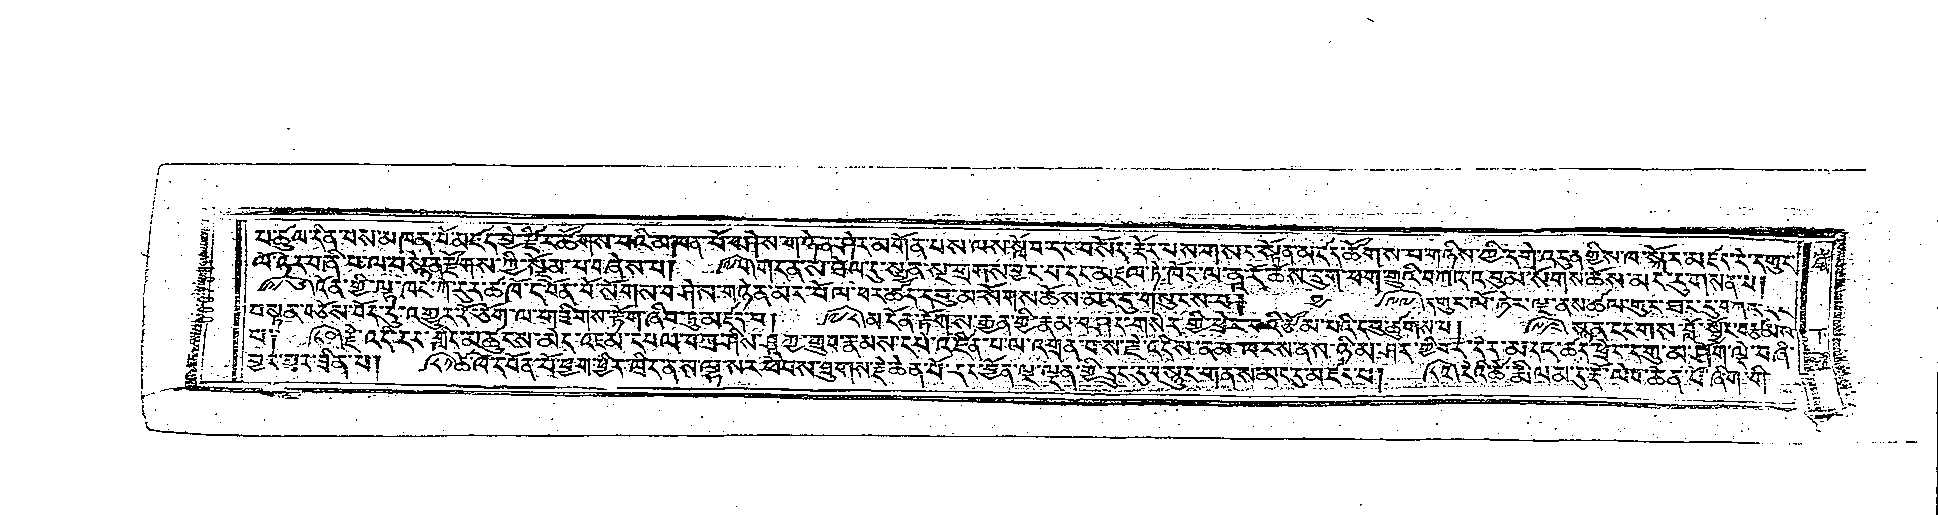པ་ཚུལ་རིན་པས་མཁན་པོ་མཛད་བྱེ་རྫིང་ཚོགས་པའི་མཁན་པོ་བཤེས་གཉེན་ཤེར་མགོན་པས་ལས་སློབ་དང་བསོད་རྡོར་པས་གསང་སྟོན་མཛད་ཚོགས་པ་གཉིས་ཀྱི་དགེ་འདུན་གྱིས་ཁ་སྐོང་མཛད་དེ་དགུང་
ལོ་ཉེར་བཞི་པ་ལ་བསྙེན་རྫོགས་ཀྱི་སྡོམ་པ་བཞེས་པ། ༧༥?་གདན་ས་ཐེལ་དུ་སྤྱན་སྔ་གྲགས་བྱང་བ་དང་མཇལ་ཏེ་ཁོང་ལ་ནཱ་རོ་ཆོས་དྲུག་ཕག་གྲུའི་བཀའ་འབུམ་སོགས་ཆོས་མང་དུ་གསན་པ།
༼༧༦?་འོན་གྱི་ལྷ་ཁང་ཀེ་རུར་ཚ་ཁོ་དབོན་པོ་སོགས་བཤེས་གཉེན་མང་པོ་ལ་ཕར་ཚད་དབུ་མ་སོགས་ཆོས་མང་དུ་གསུངས་པ། ༧་༽༧༧?་དགུང་ལོ་ཉེར་ལྔ་ནས་ཚལ་གུང་ཐང་དུ་བཀའ་དང་
བསྟན་བཅོས་བོད་དུ་འགྱུར་རོ་ཅོག་ལ་གཟིགས་རྟོག་ཞིབ་ཏུ་མཛད་པ། ༼༧༨?་མངོན་རྟོགས་རྒྱན་གྱི་རྣམ་བཤད་གསེར་གྱི་ཕྲེང་བའི་རྩོམ་པའི་དབུ་ཚུགས་པ། ༽༧༩?་སྙན་དངགས་བློ་སྦྱོང་བརྩམས་
པ༑ ༨༠?་རྗེ་འདི་དང་གླིང་མཚུངས་མེད་འཇམ་དཔལ་བཀྲ་ཤིས་ཤཱཀྱ་གྲུབ་རྣམས་དཔེ་འཛིན་པ་ལ་འགྲན་པས་རྗེ་འདིས་ནམ་ལངས་ནས་ཉི་མ་ཤར་གྱི་བར་དེར་མདའ་ཚད་ཕྲེང་དགུ་མ་ཤོག་ལྡེ་བཞི་
བྱང་པར་ཟིན་པ། ༼༨༡?་ཚེ་ཁོ་དབོན་པོ་ཕྱག་ཕྱིར་ཁྲིད་ནས་ལྷ་སར་ཕེབས་ཐུགས་རྗེ་ཆེན་པོ་རང་བྱོན་ལྔ་ལྡན་གྱི་དྲུང་དུ་བསྙུང་གནས་མང་དུ་མཛད་པ། ༽༨༢?་དེའི་ཚེ་རྨི་ལམ་དུ་རྡོ་ལེབ་ཆེན་པོ་ཞིག་གི་